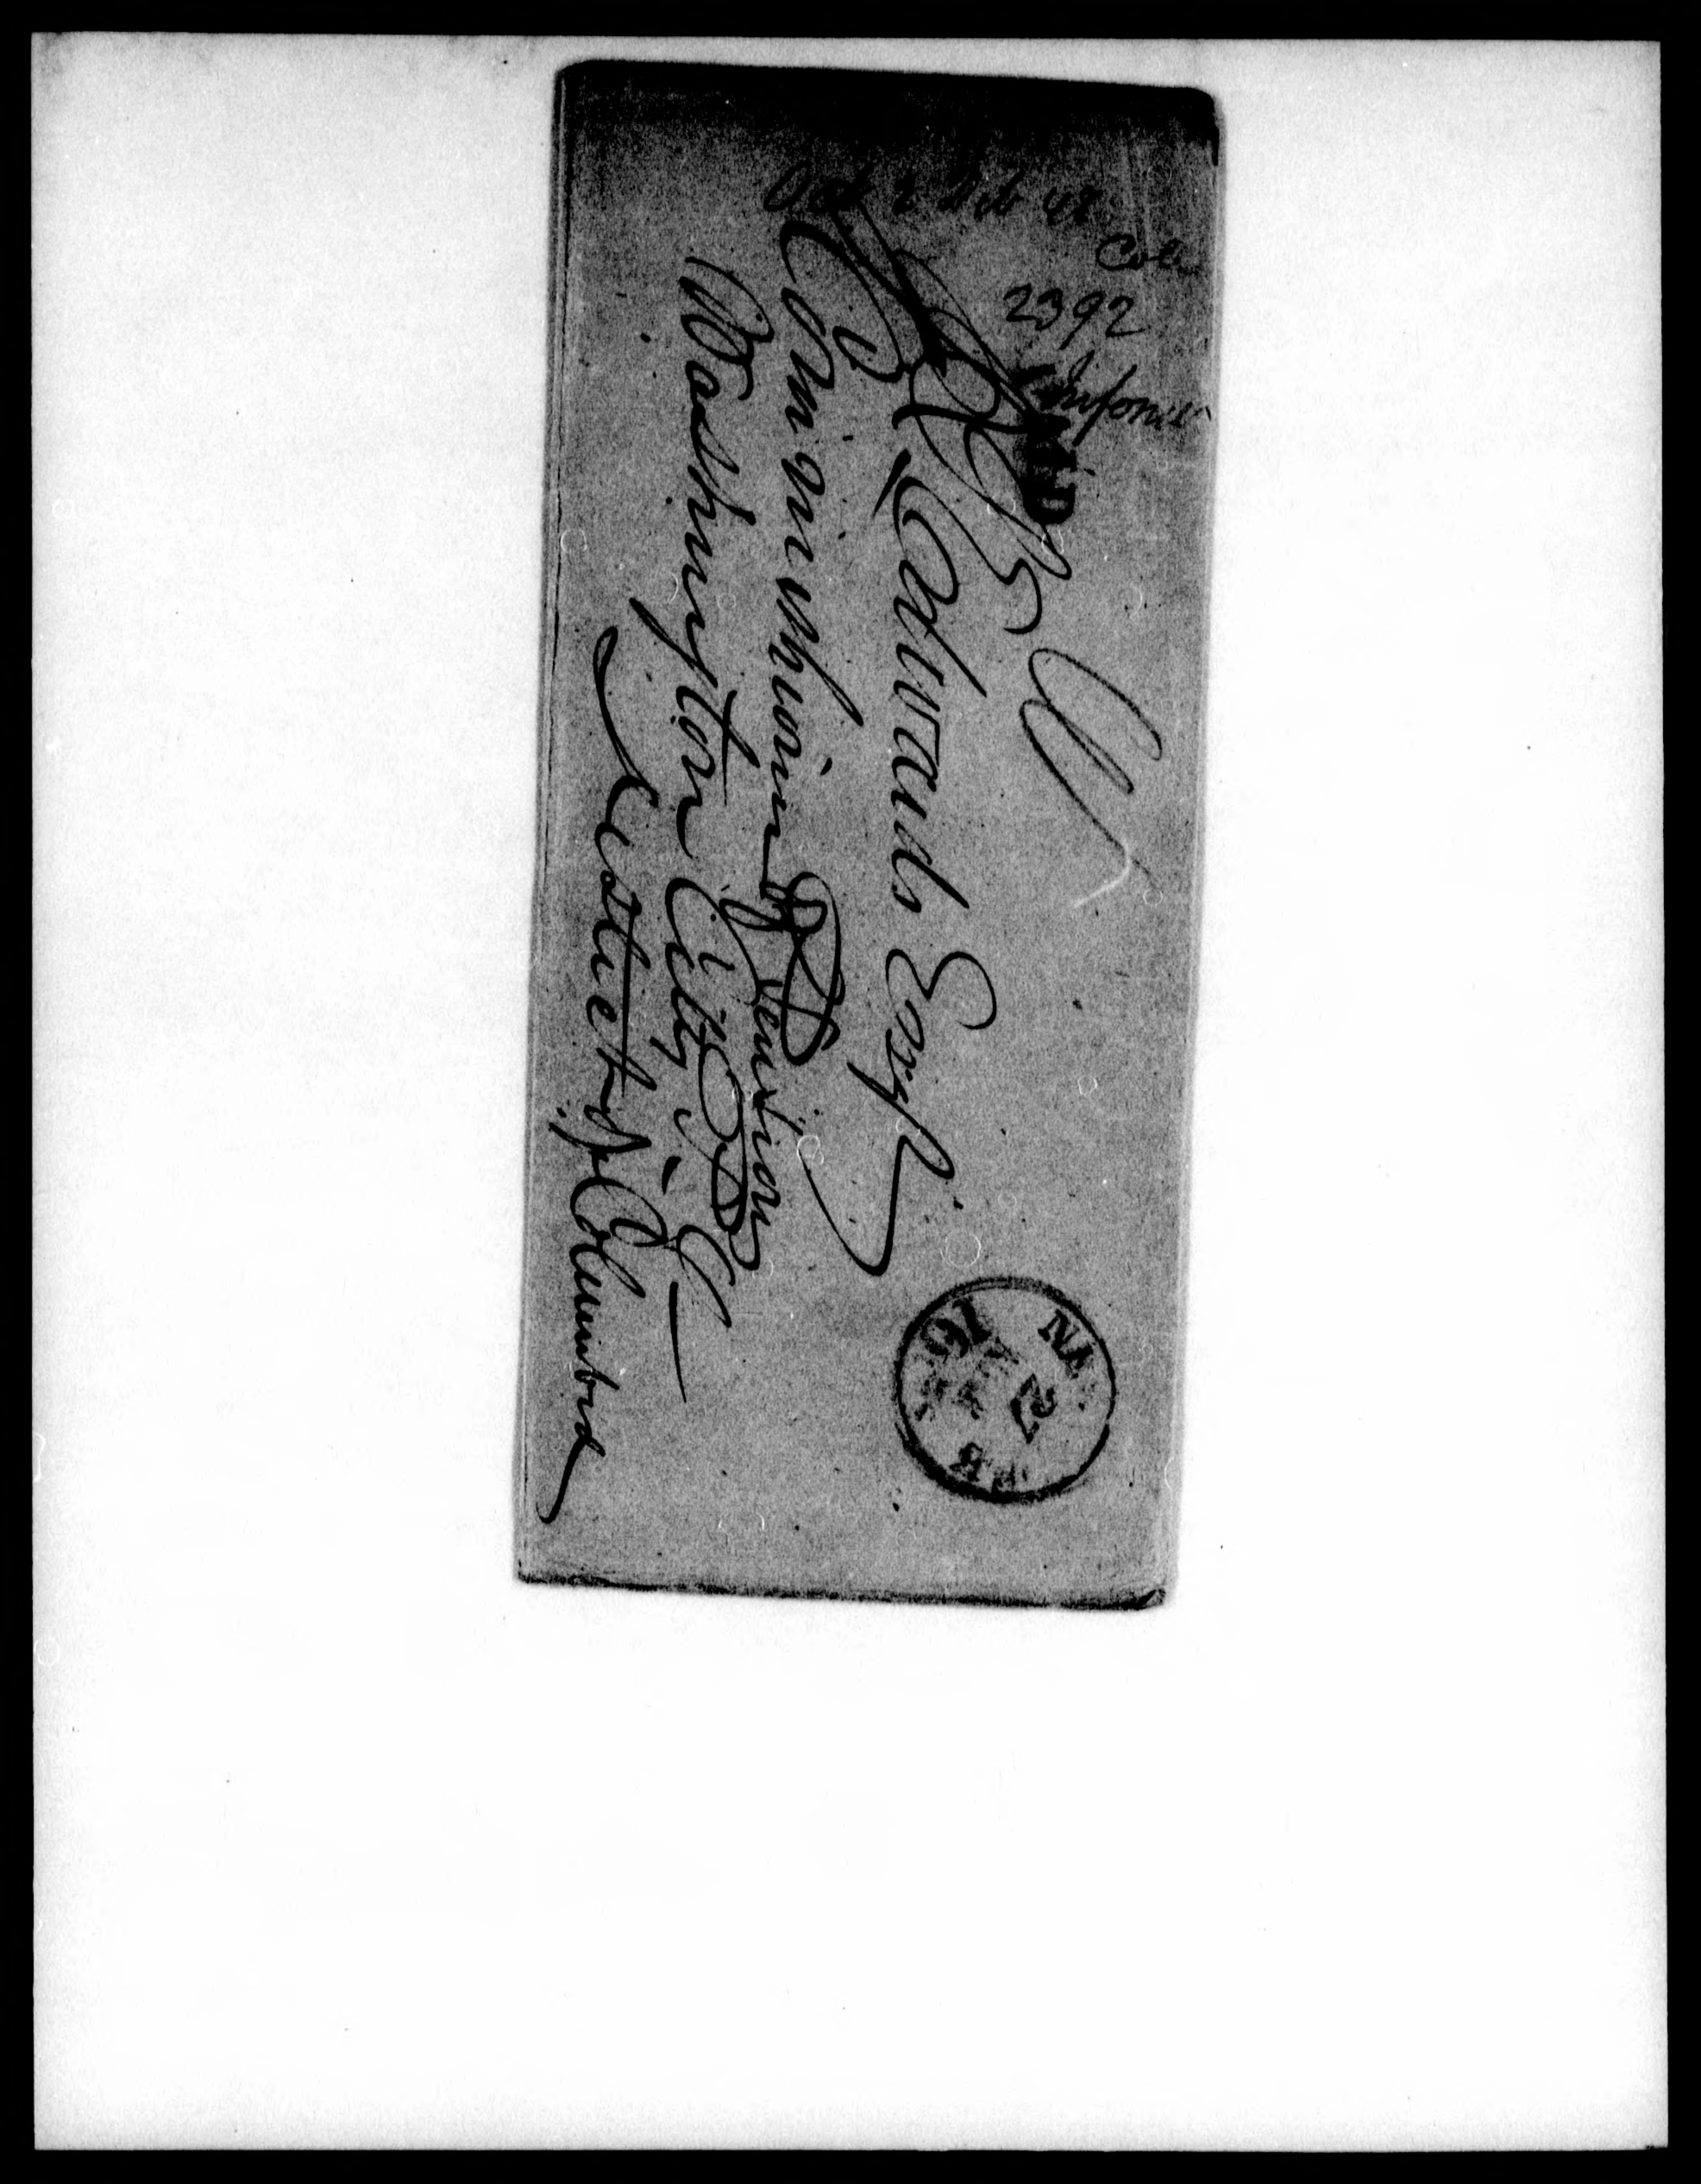[addressee]
JL Edwards Esqr
Commissioner of Pensions
Washington City D.C.
District of Columbia

[note on envelope]
Oct to Feb 48
Cole
2392
Informed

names: J L Edwards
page: 26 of 102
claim: widow's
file: W. 18239, Isaac Van Wart, New York